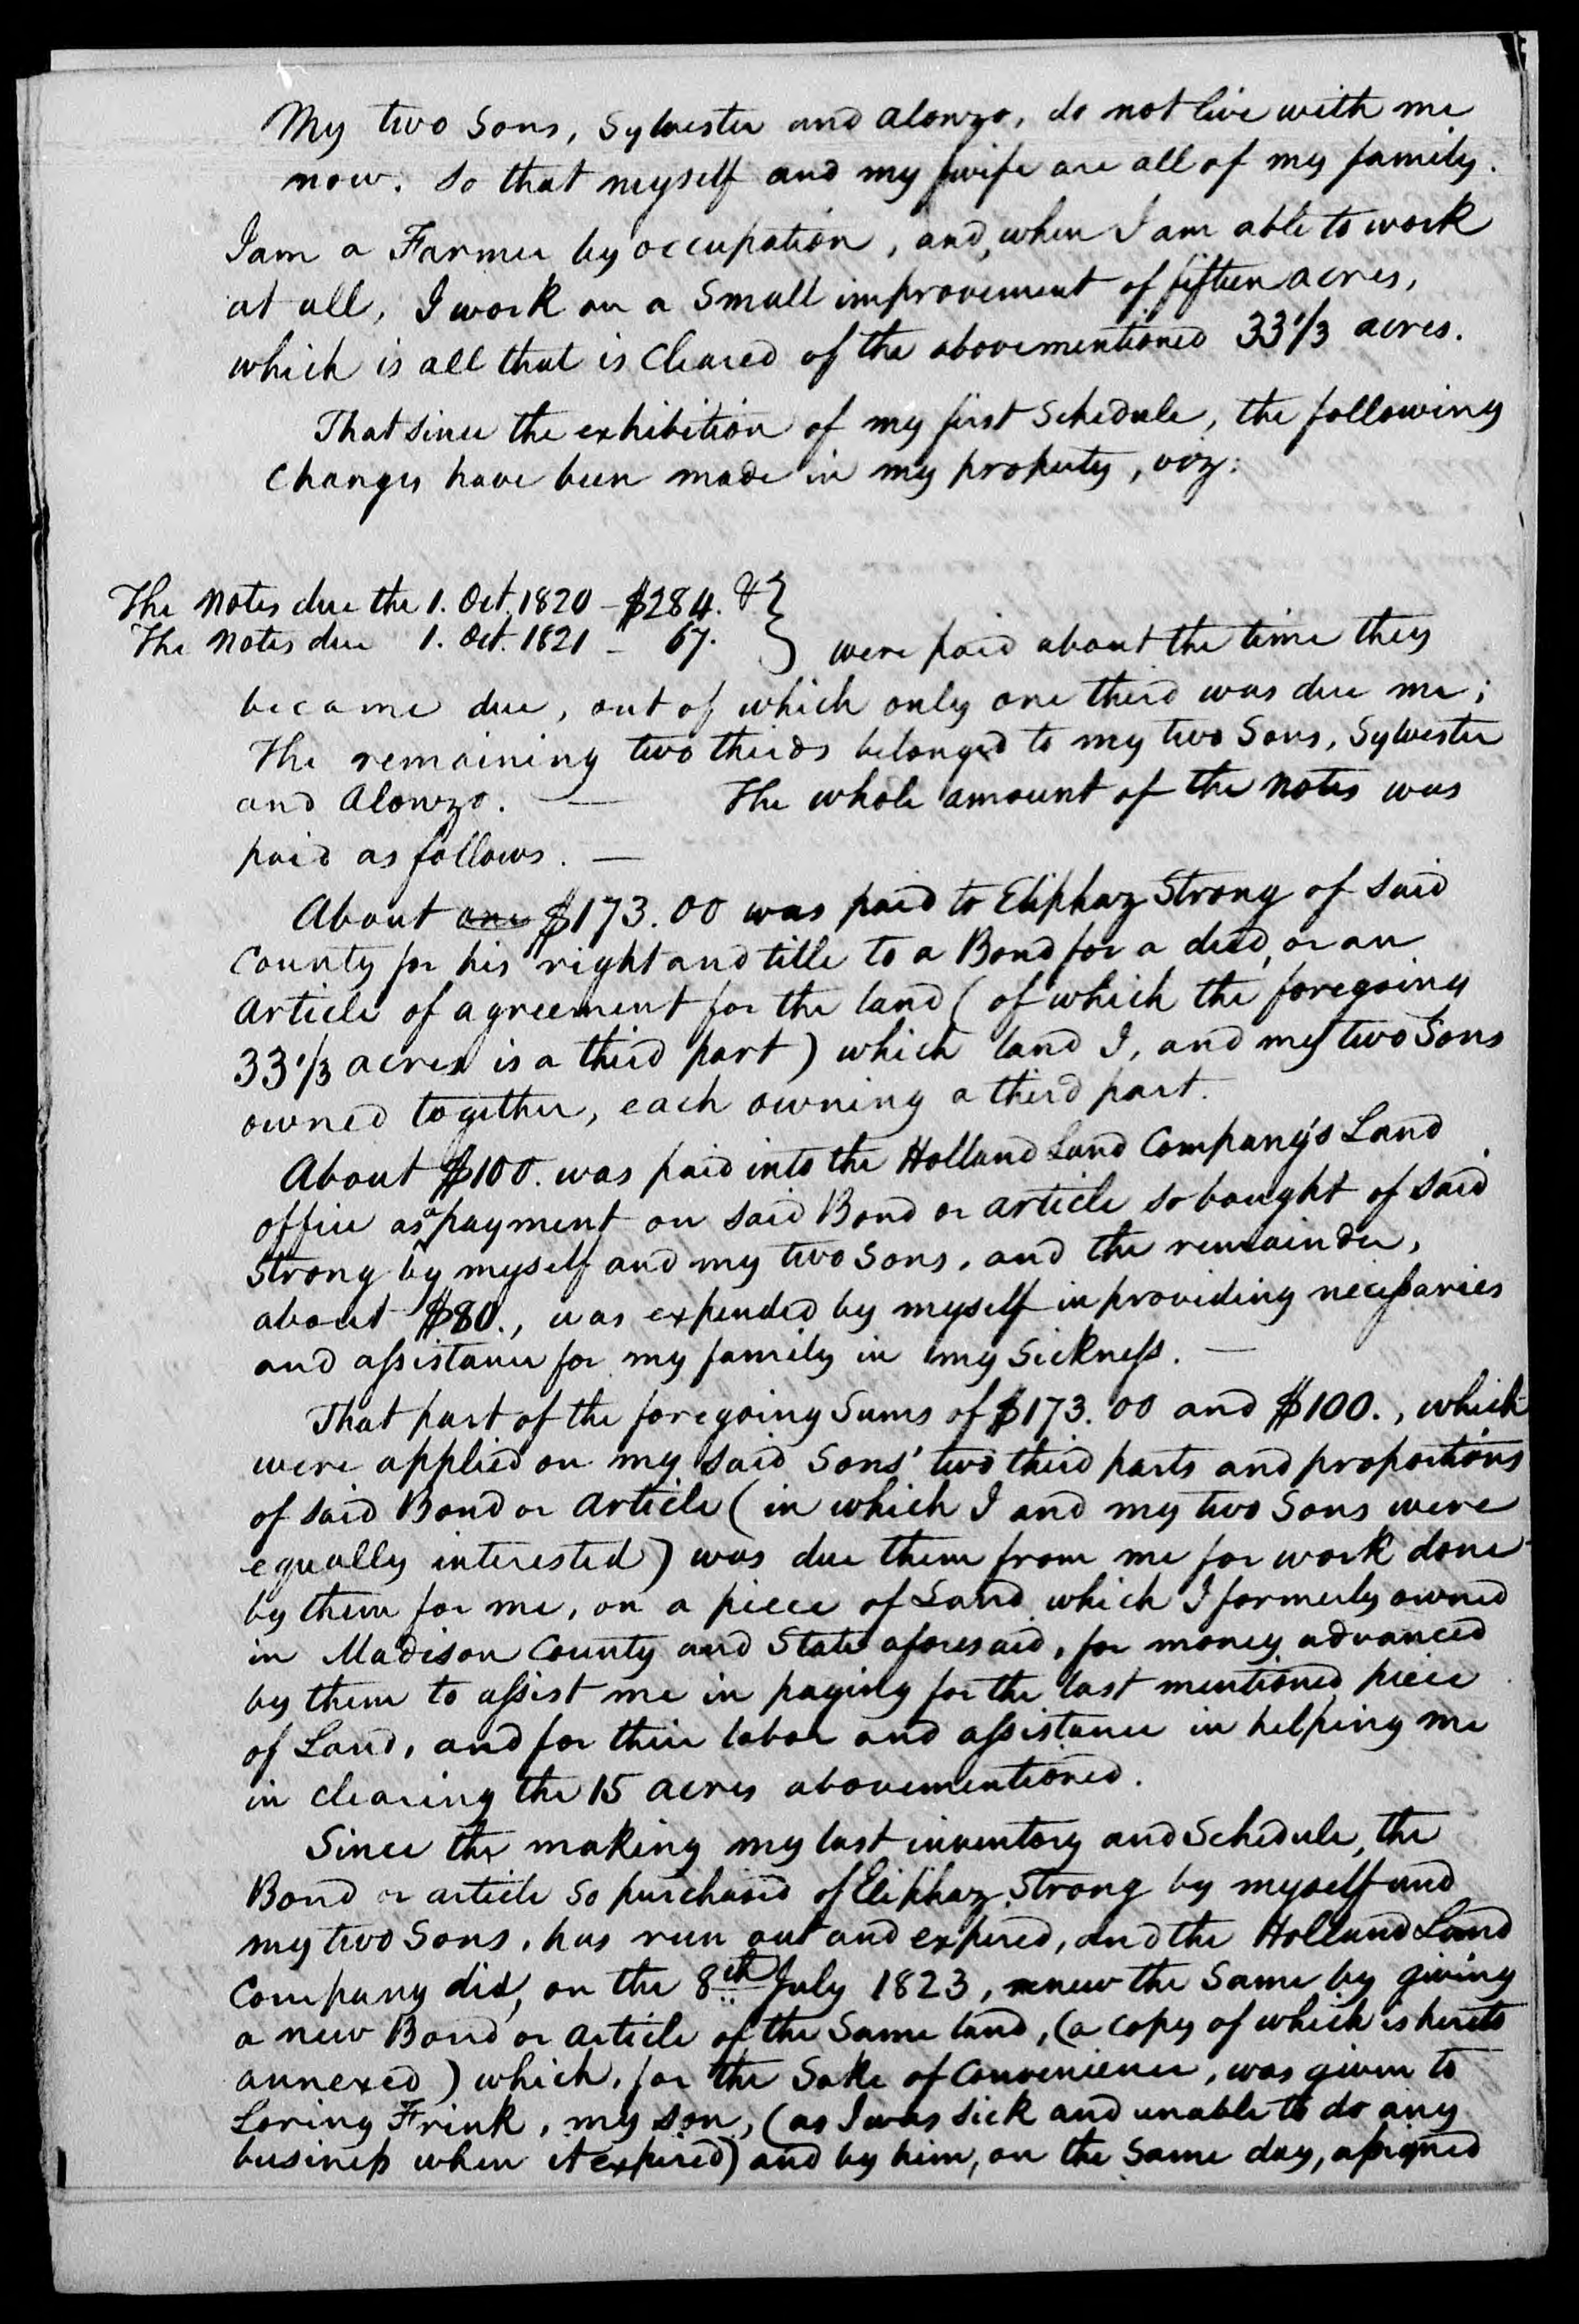My two sons, Sylvester and Alonzo, do not live with me now, so that myself and my wife are of my family.  I am a farmer by occupation, and when I am able to work at all, I work a small improvement of fifteen acres, which is all that is cleared of the abovementioned 33 1/3 acres.  That since the exhibition of my first schedule, the following changes have been made in the property, viz.
The notes due the 1 Oct. 1820 - $284
The notes due the 1 Oct. 1821 -     67 } were paid about the time they became due, out of which only one third was due me.  The remaining two thirds belongs to my two sons,  Sylvester and Alonzo. -   About $173.00 was paid to Eliphaz Strong of said county for his right and title toa Bond for a deed, or an article of a agreement for the land (of which the foregoing 33 1/3 acres is a third part) which land I, and my two sons owned together, each owning a third part.
    About $100 was paid into the Holland Land Company's land office as payment on said Bond or article so bought of said Strong by myself and my two sons, and the remainder, about $80, was expended by myself in providing necessaries and assistance for my family in my sickness.  
     That part of the foregoing sums of $173.00 and $100., which was applied on my said sons' twok third parts and proportions of said Bond or Article (in which I and my two sonswere equally interested) was due them from me for work done by them for me, on a piece of sand which I formerly owned in Madison County and State aforesaid, for money advanced by them to assist me in paying for the last mentioned piece of land, and for their labor and assistance in helping me in cleaning the 15 acres abovementioned.
     Since the making my last inventory and schedule, the Bond or article so purchased of Eliphaz Strong by myself and my two sons, has run out and expired, and the Holland Land Company did, on the 8th July 1823, renew the same by giving a new Bond or article of the same land, (a copy of which is hereto annexed) which, for the sake of convenience, was given to Loring Frink, my son, (as I was sick and unable to do any business when it expired) and by him, on the same day, assigned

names: Loring Frink, Alonzo, Alonzo, Sylvester, Sylvester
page: 7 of 33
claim: survivor's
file: S 43571, Thomas Frink, Mass.